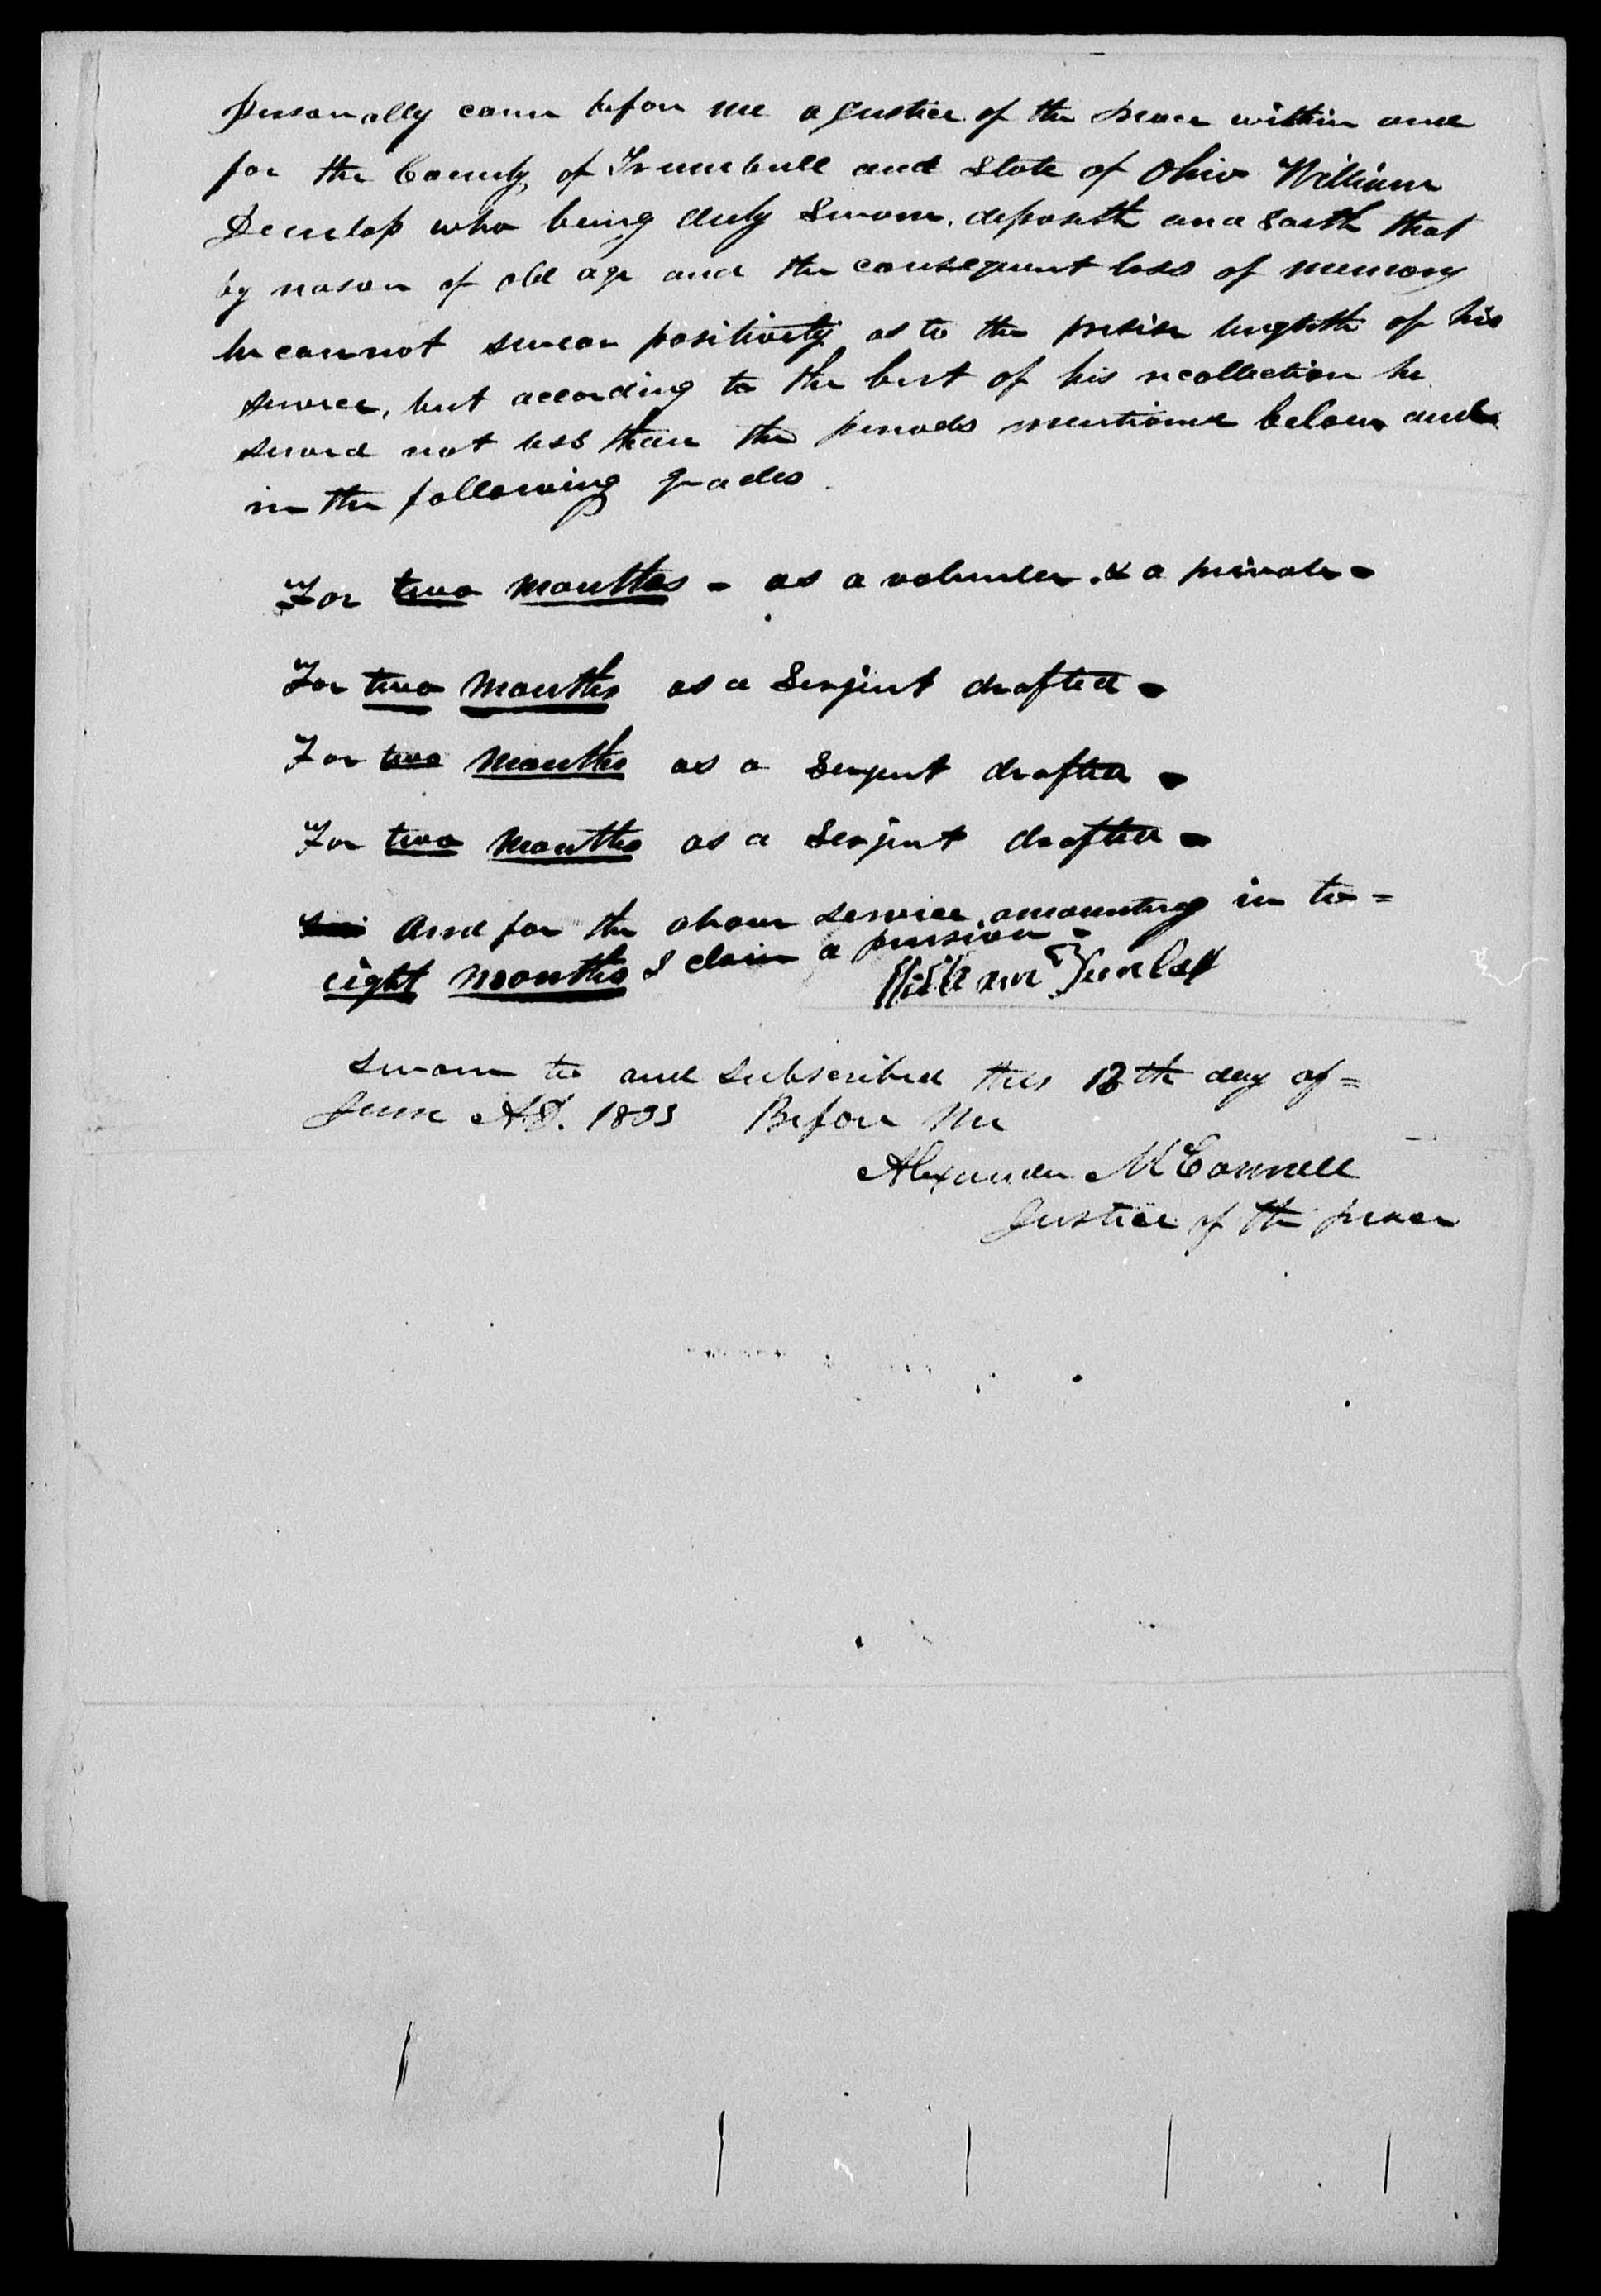[All handwritten]
personally came before me a justice of the peace within and for the County of Trumbull and State of Ohio William Dunlap who being duly sworn, deposeth and saith that by reason of old age and the consequent loss of memory he cannot swear positively as to the precise length of his service, but according to the best of his recollection he served not less than the periods mentioned below and in the following grades

For two months - as a volunteer & a private -
For two months as a Sergeant draftee
For two months as a Sergeant draftee

And for the [illegible] service amounting in to - 
eight months I claim a pension.  William Dunlap

Sworn to and declared on this 13th day of June 1833 Before Me  Alexander McConnell Justice of the Peace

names: Alexander Mc Connell, William Dunlap, William Dunlap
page: 20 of 24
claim: survivor's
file: S. 15,415, William Dunlap, Penn.